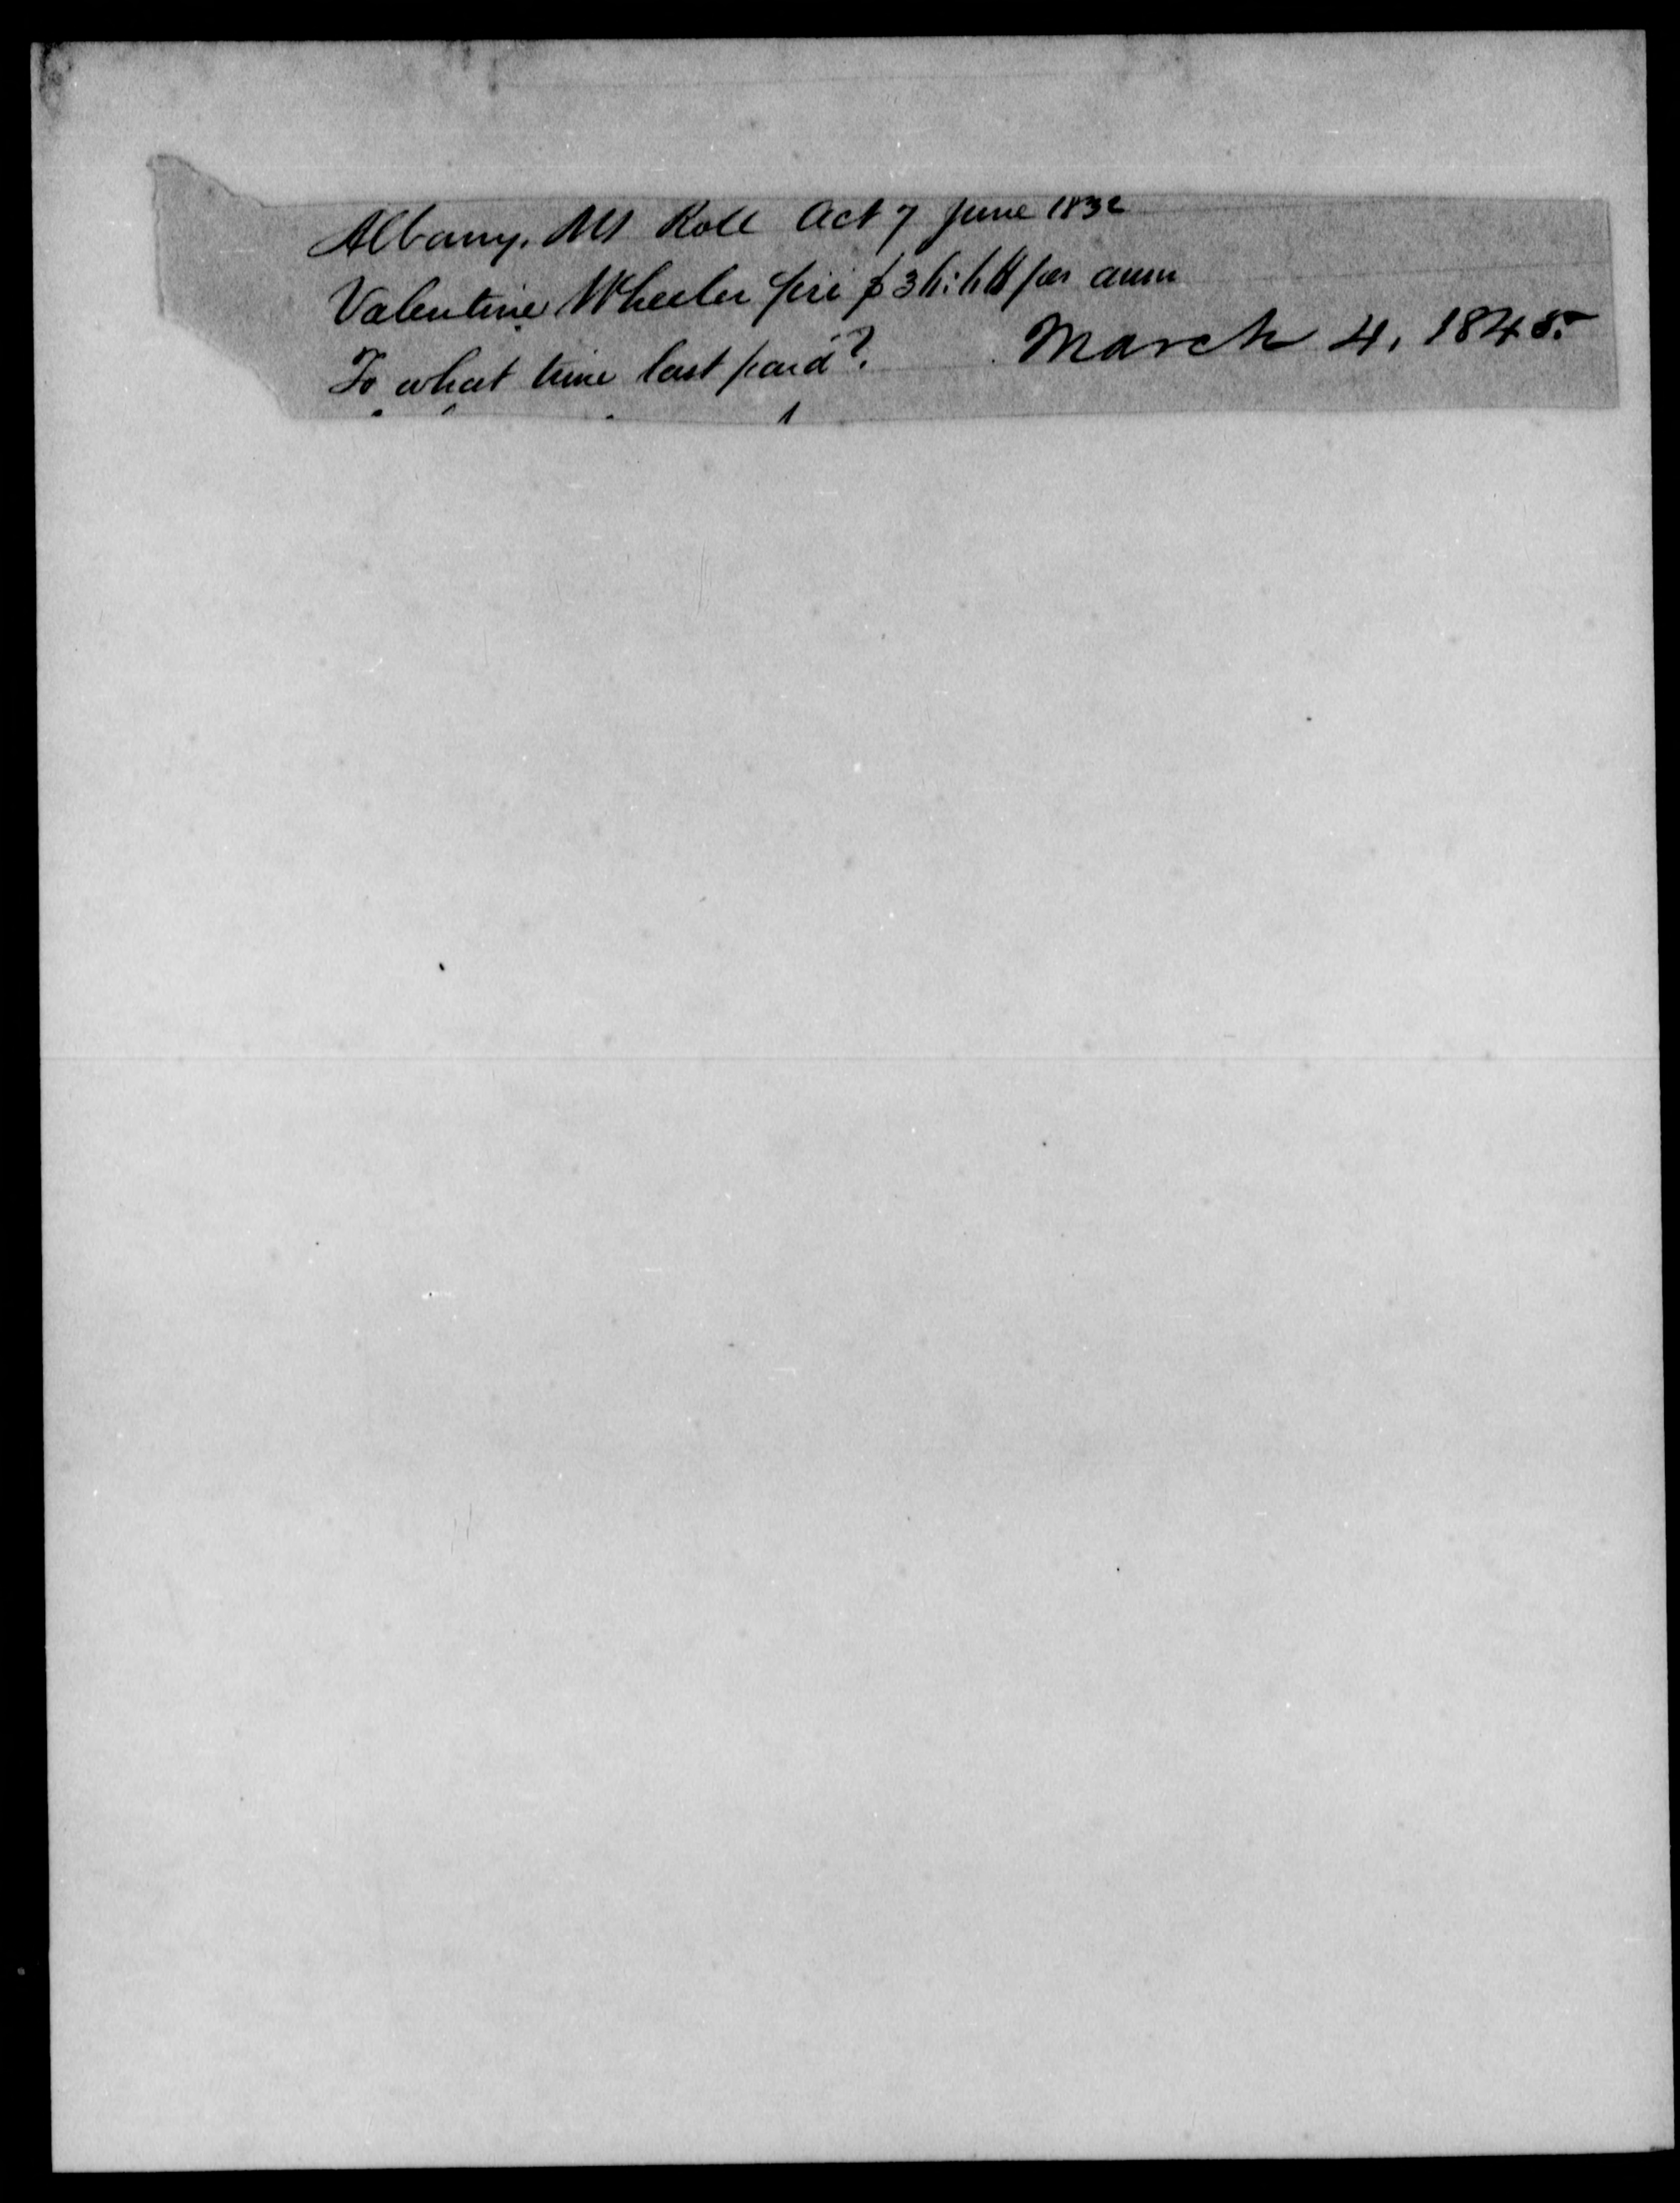Albany NY Roll Act 7 June 1832
Valentine Wheeler pri $36.66 per ann
To what time last paid?  March 4, 1845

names: Valentine Wheeler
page: 39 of 98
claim: widow's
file: W. 1682, Valentine Wheeler, Mass.